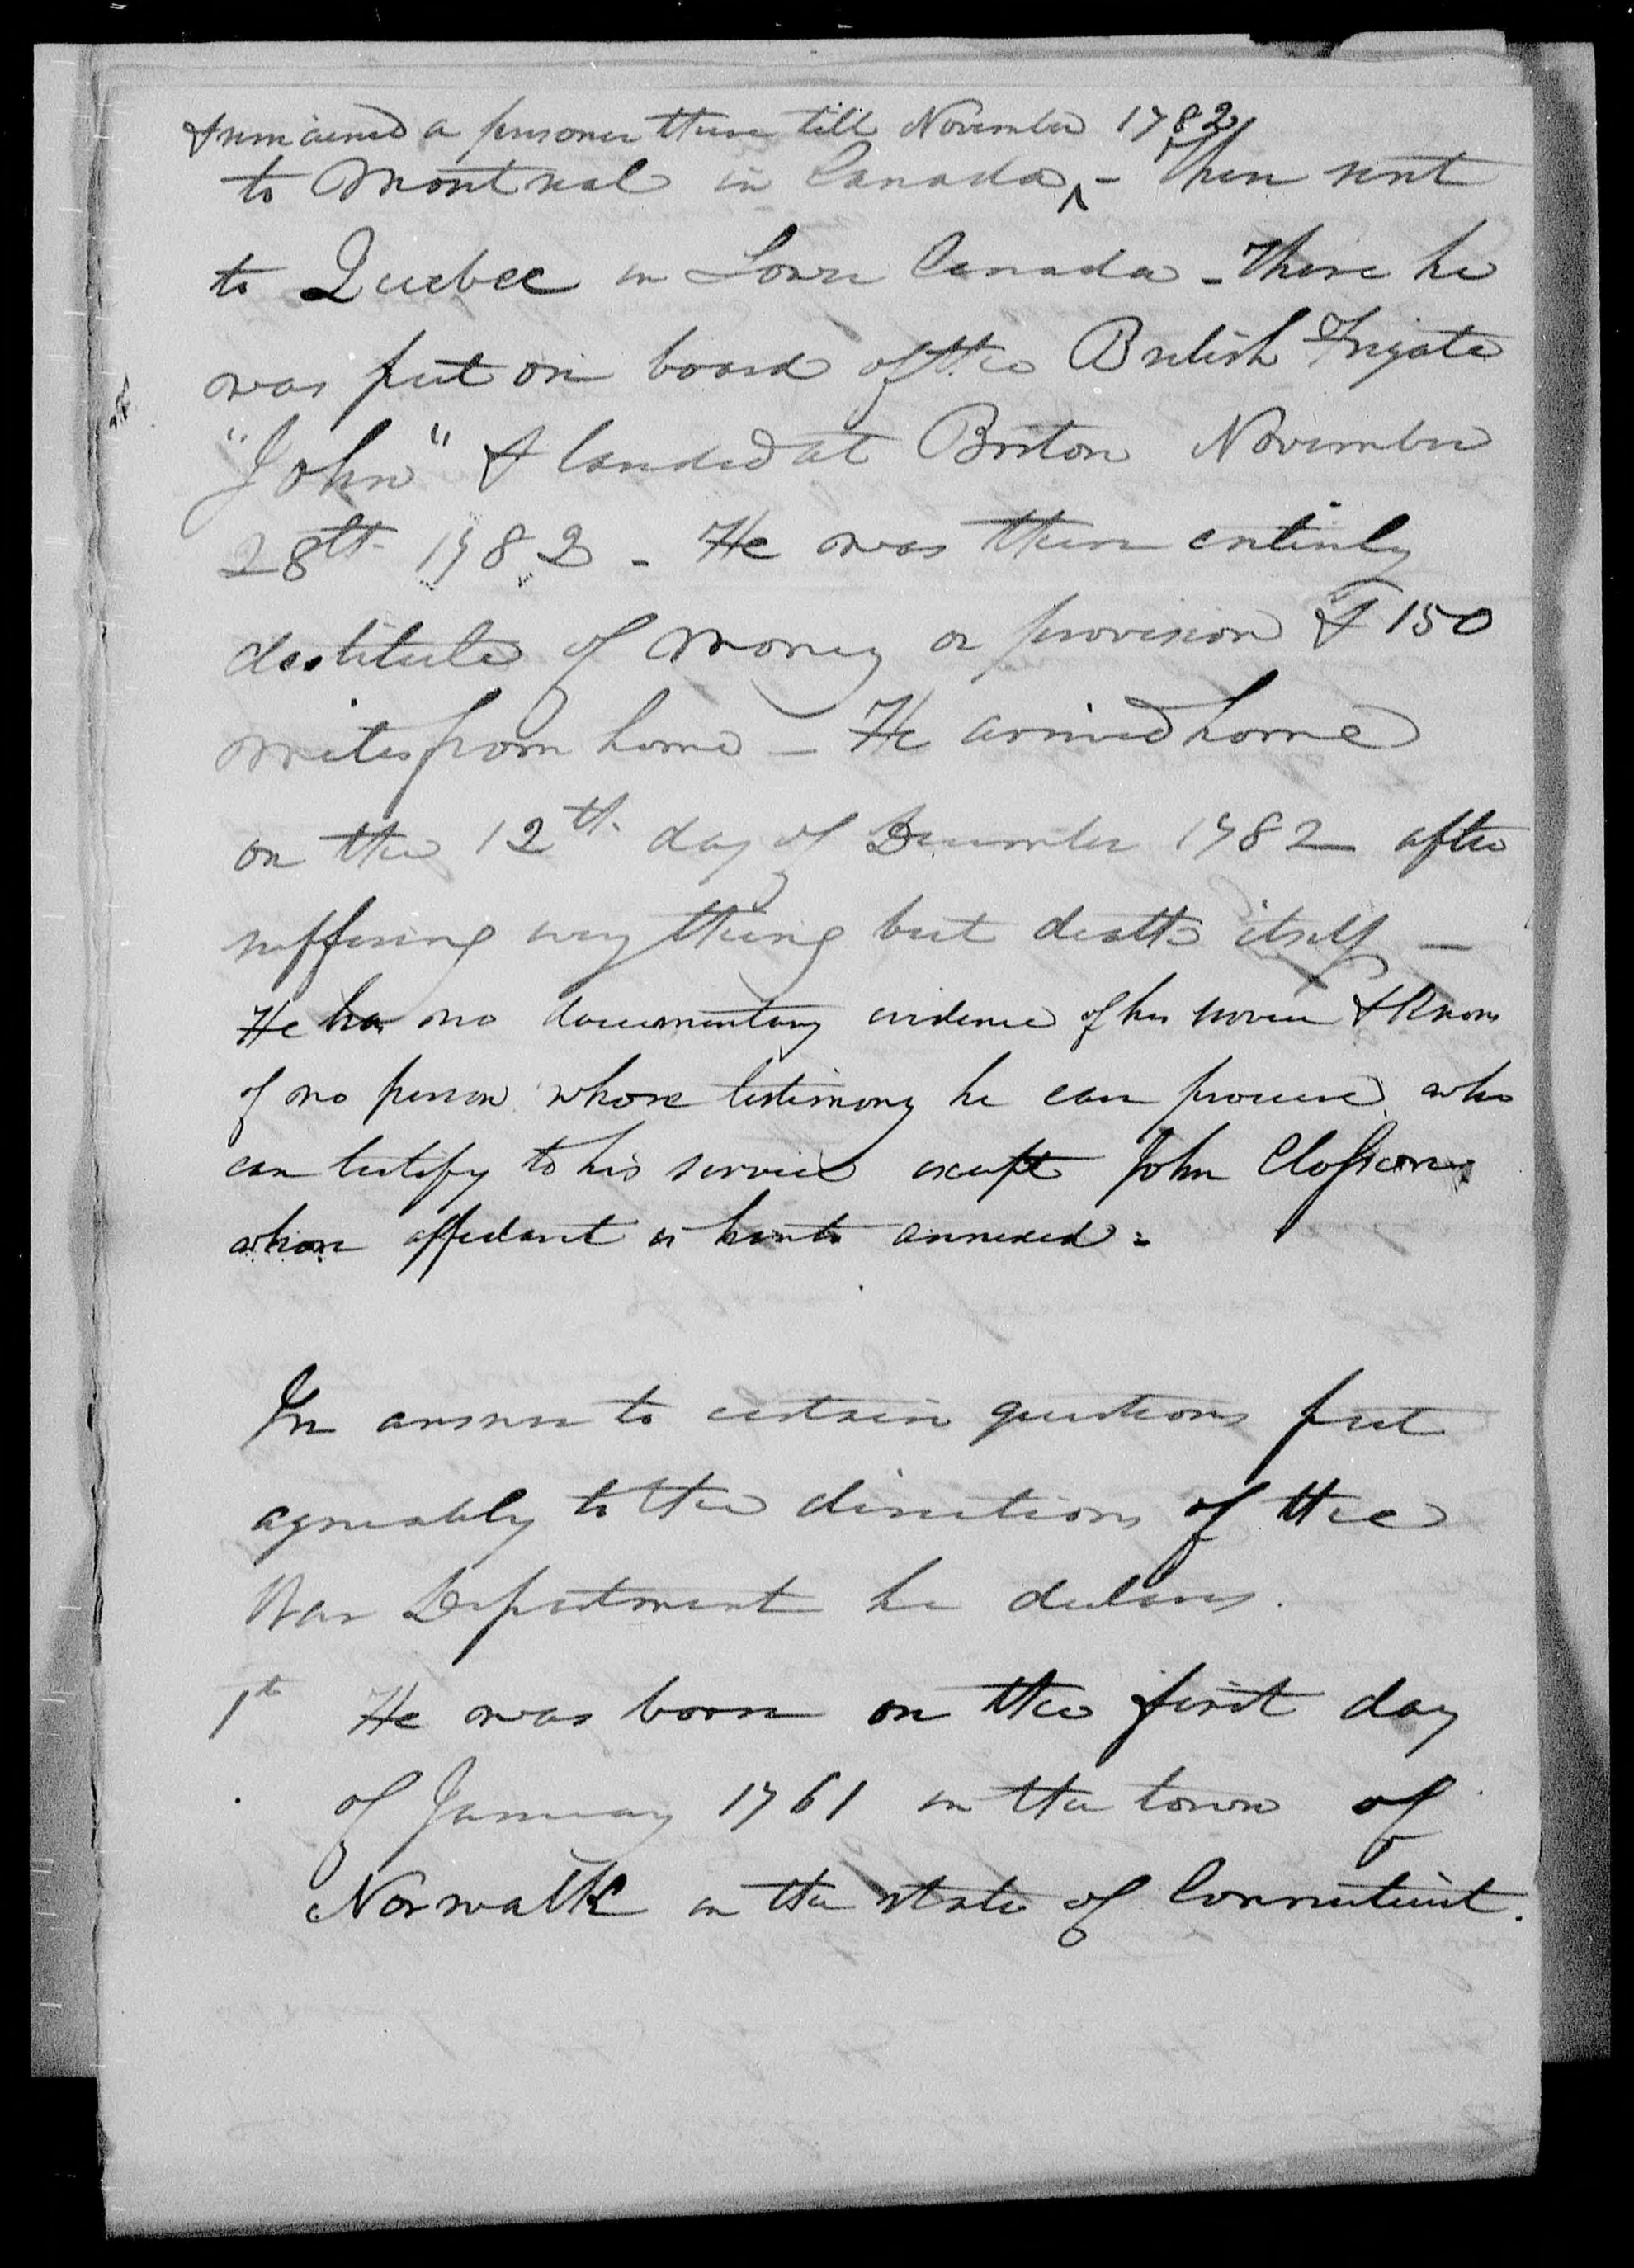to Montreal in Canada & remained a prisoner there till November 1782 then sent to Quebec in Lower Canada - There he was put on board of the British Frigate “John" & landed at Boston November 28th 1782 - He was then entirely destitute of money or provision & 150 miles from home - He arrived home on the 12th day of December 1782 after suffering everything but death itself - He has no documentary evidence of his service & knows of no person whose testimony he can procure who can testify to his service except John Closson whose affidavit is hereto annexed 
In answer to certain questions put agreeably to the directions of the War Department he declares
1st He was born on the first day of January 1761 in the town of Norwalk in the State of Connecticut.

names: John Closson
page: 10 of 26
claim: survivor's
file: S. 13,625, for Isaiah Keeler, New York